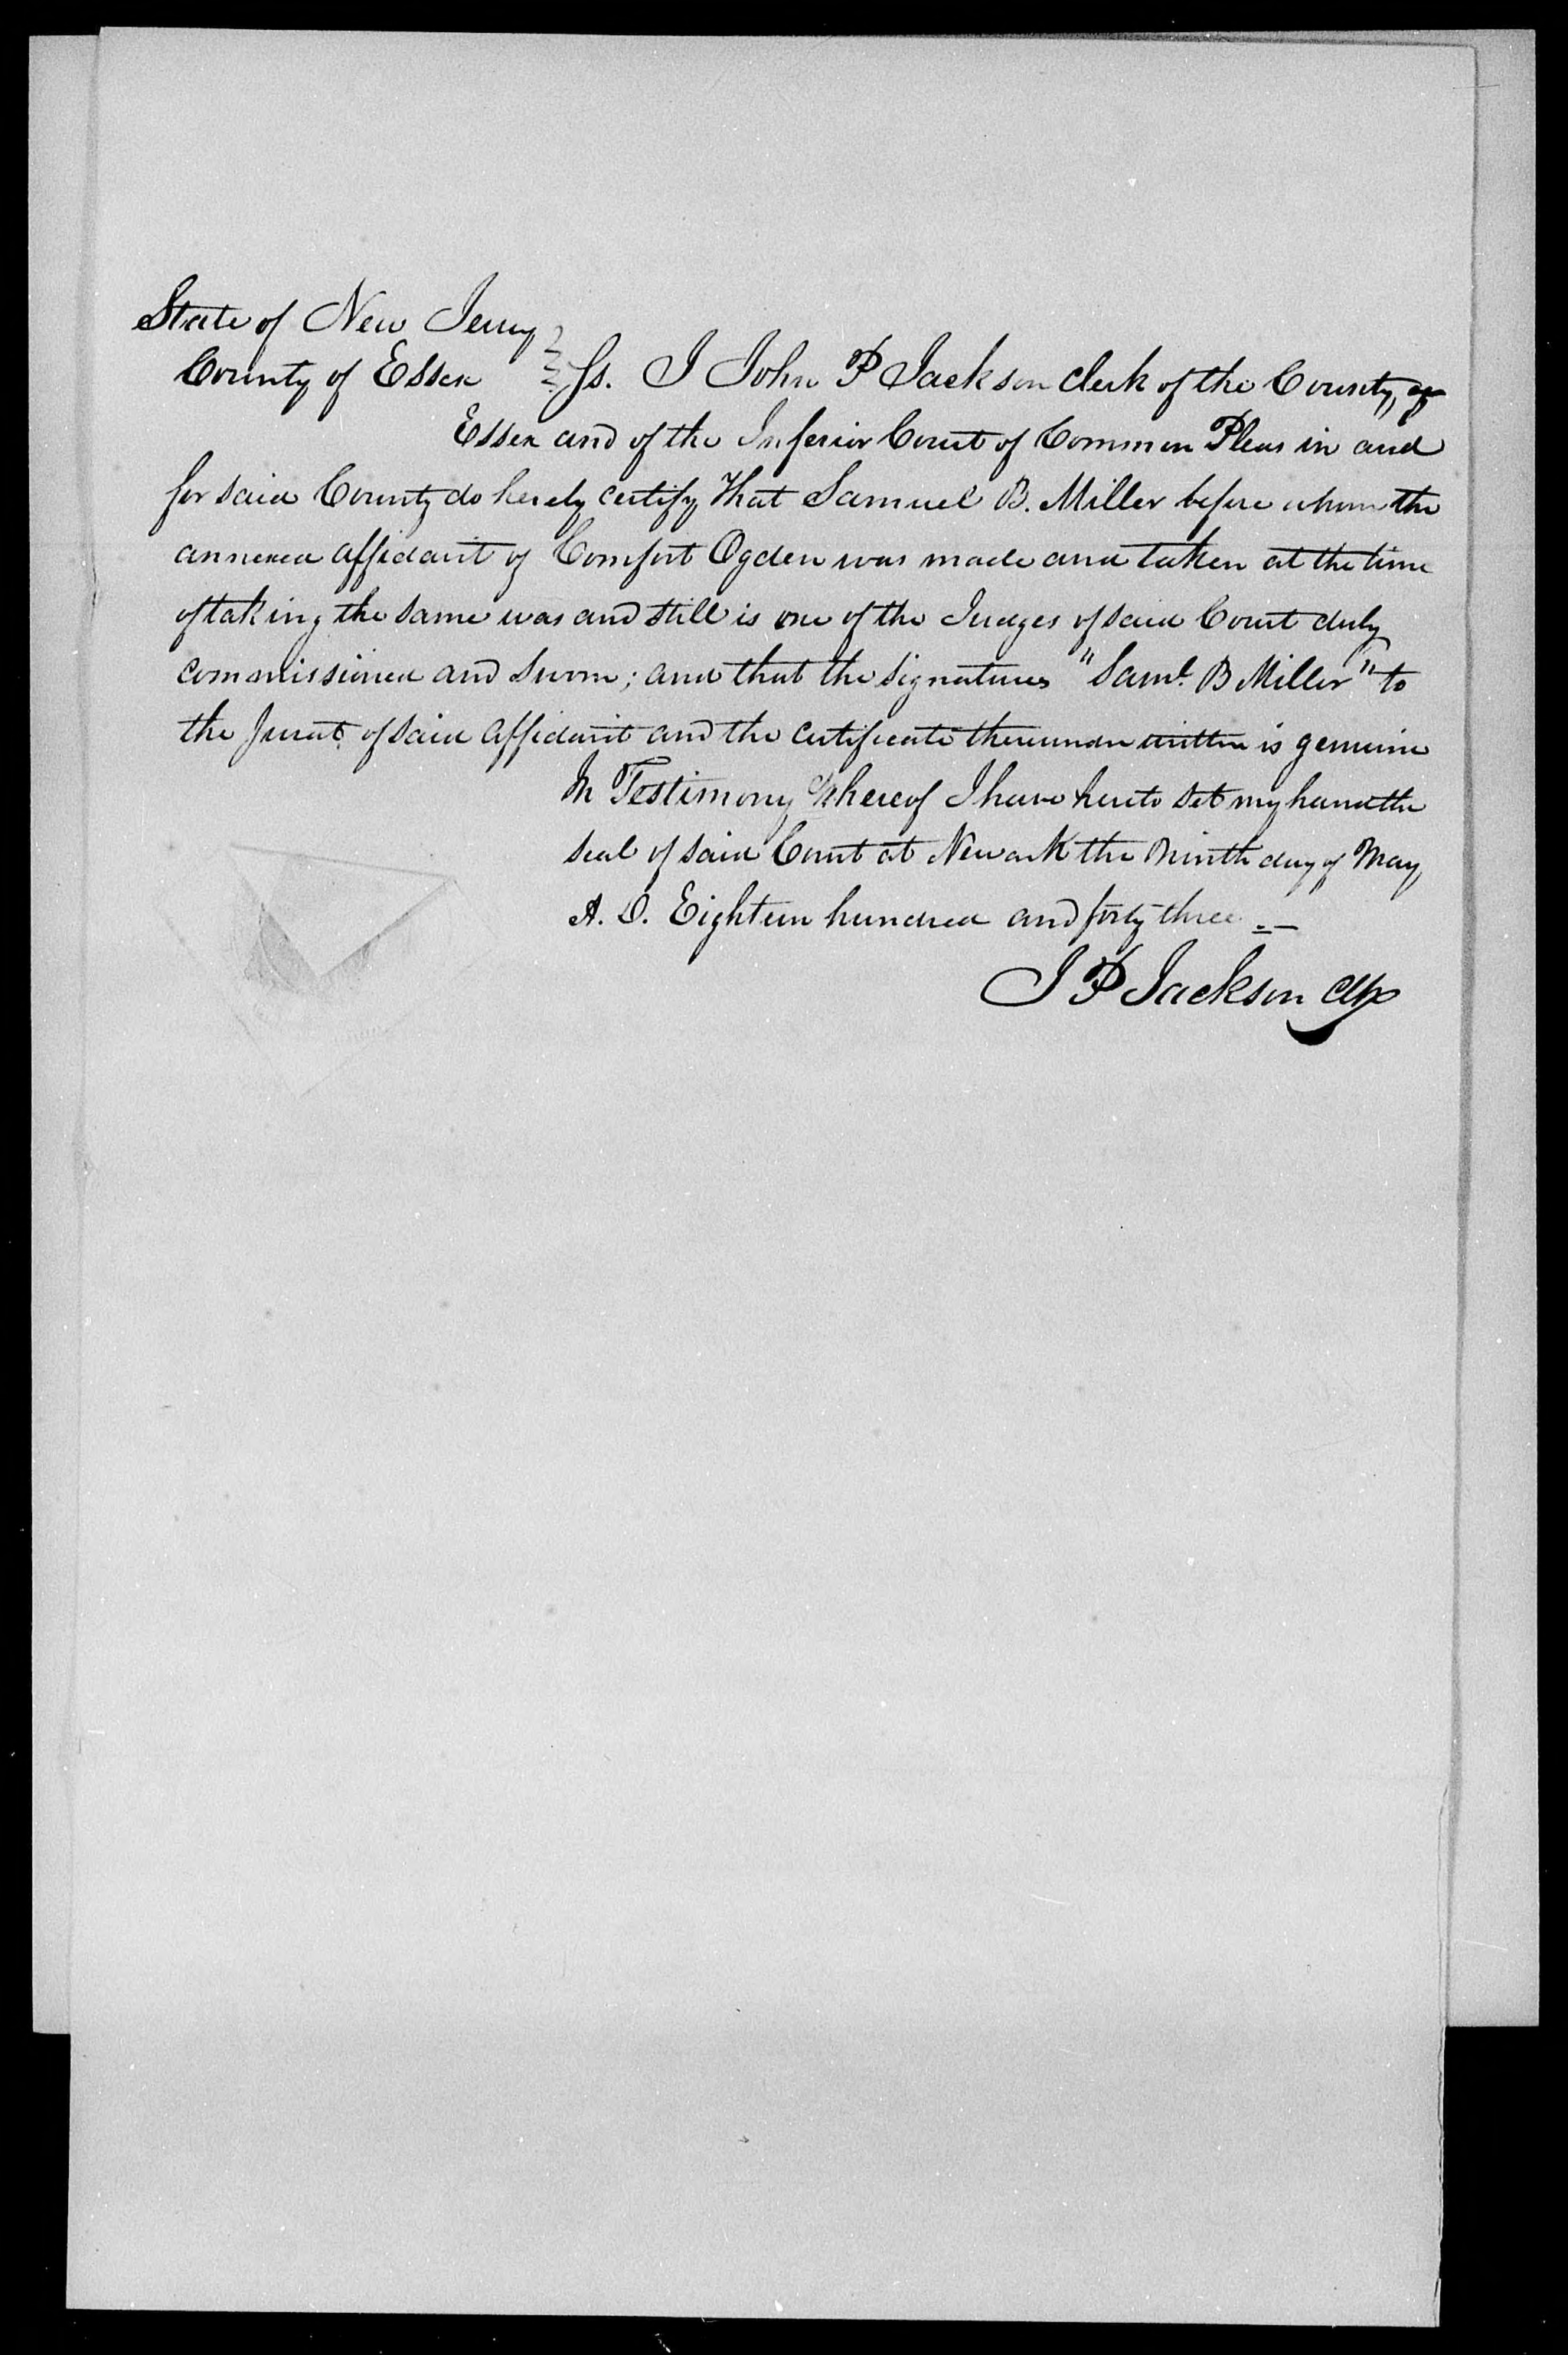State of New Jersey  )
County of Essex        ) ss
I John P Jackson Clerk of the County of Essex and of the Inferior Court of Common Pleas in and for said County do hereby certify That Samuel B. Miller before whom the annexed affidavit of Comfort Ogden was made and taken at the time of taking the same was and still is one of the Judges of said Court duly commissioned and Sworn; and that the Signature "Saml. B Miller" to the Jurat of said affidavit and the certificate thereunder written is genuine
[seal affixed]
In Testimony Whereof I have hereto set my hand the Seal of Said Court at Newark the ninth day of May A.D. Eighteen hundred and forty three -
  J P Jackson Clk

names: Samuel B Miller; Comfort Ogden; John P Jackson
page: 25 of 25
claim: widow's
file: W. 187, for Ludlow Ogden, New Jersey